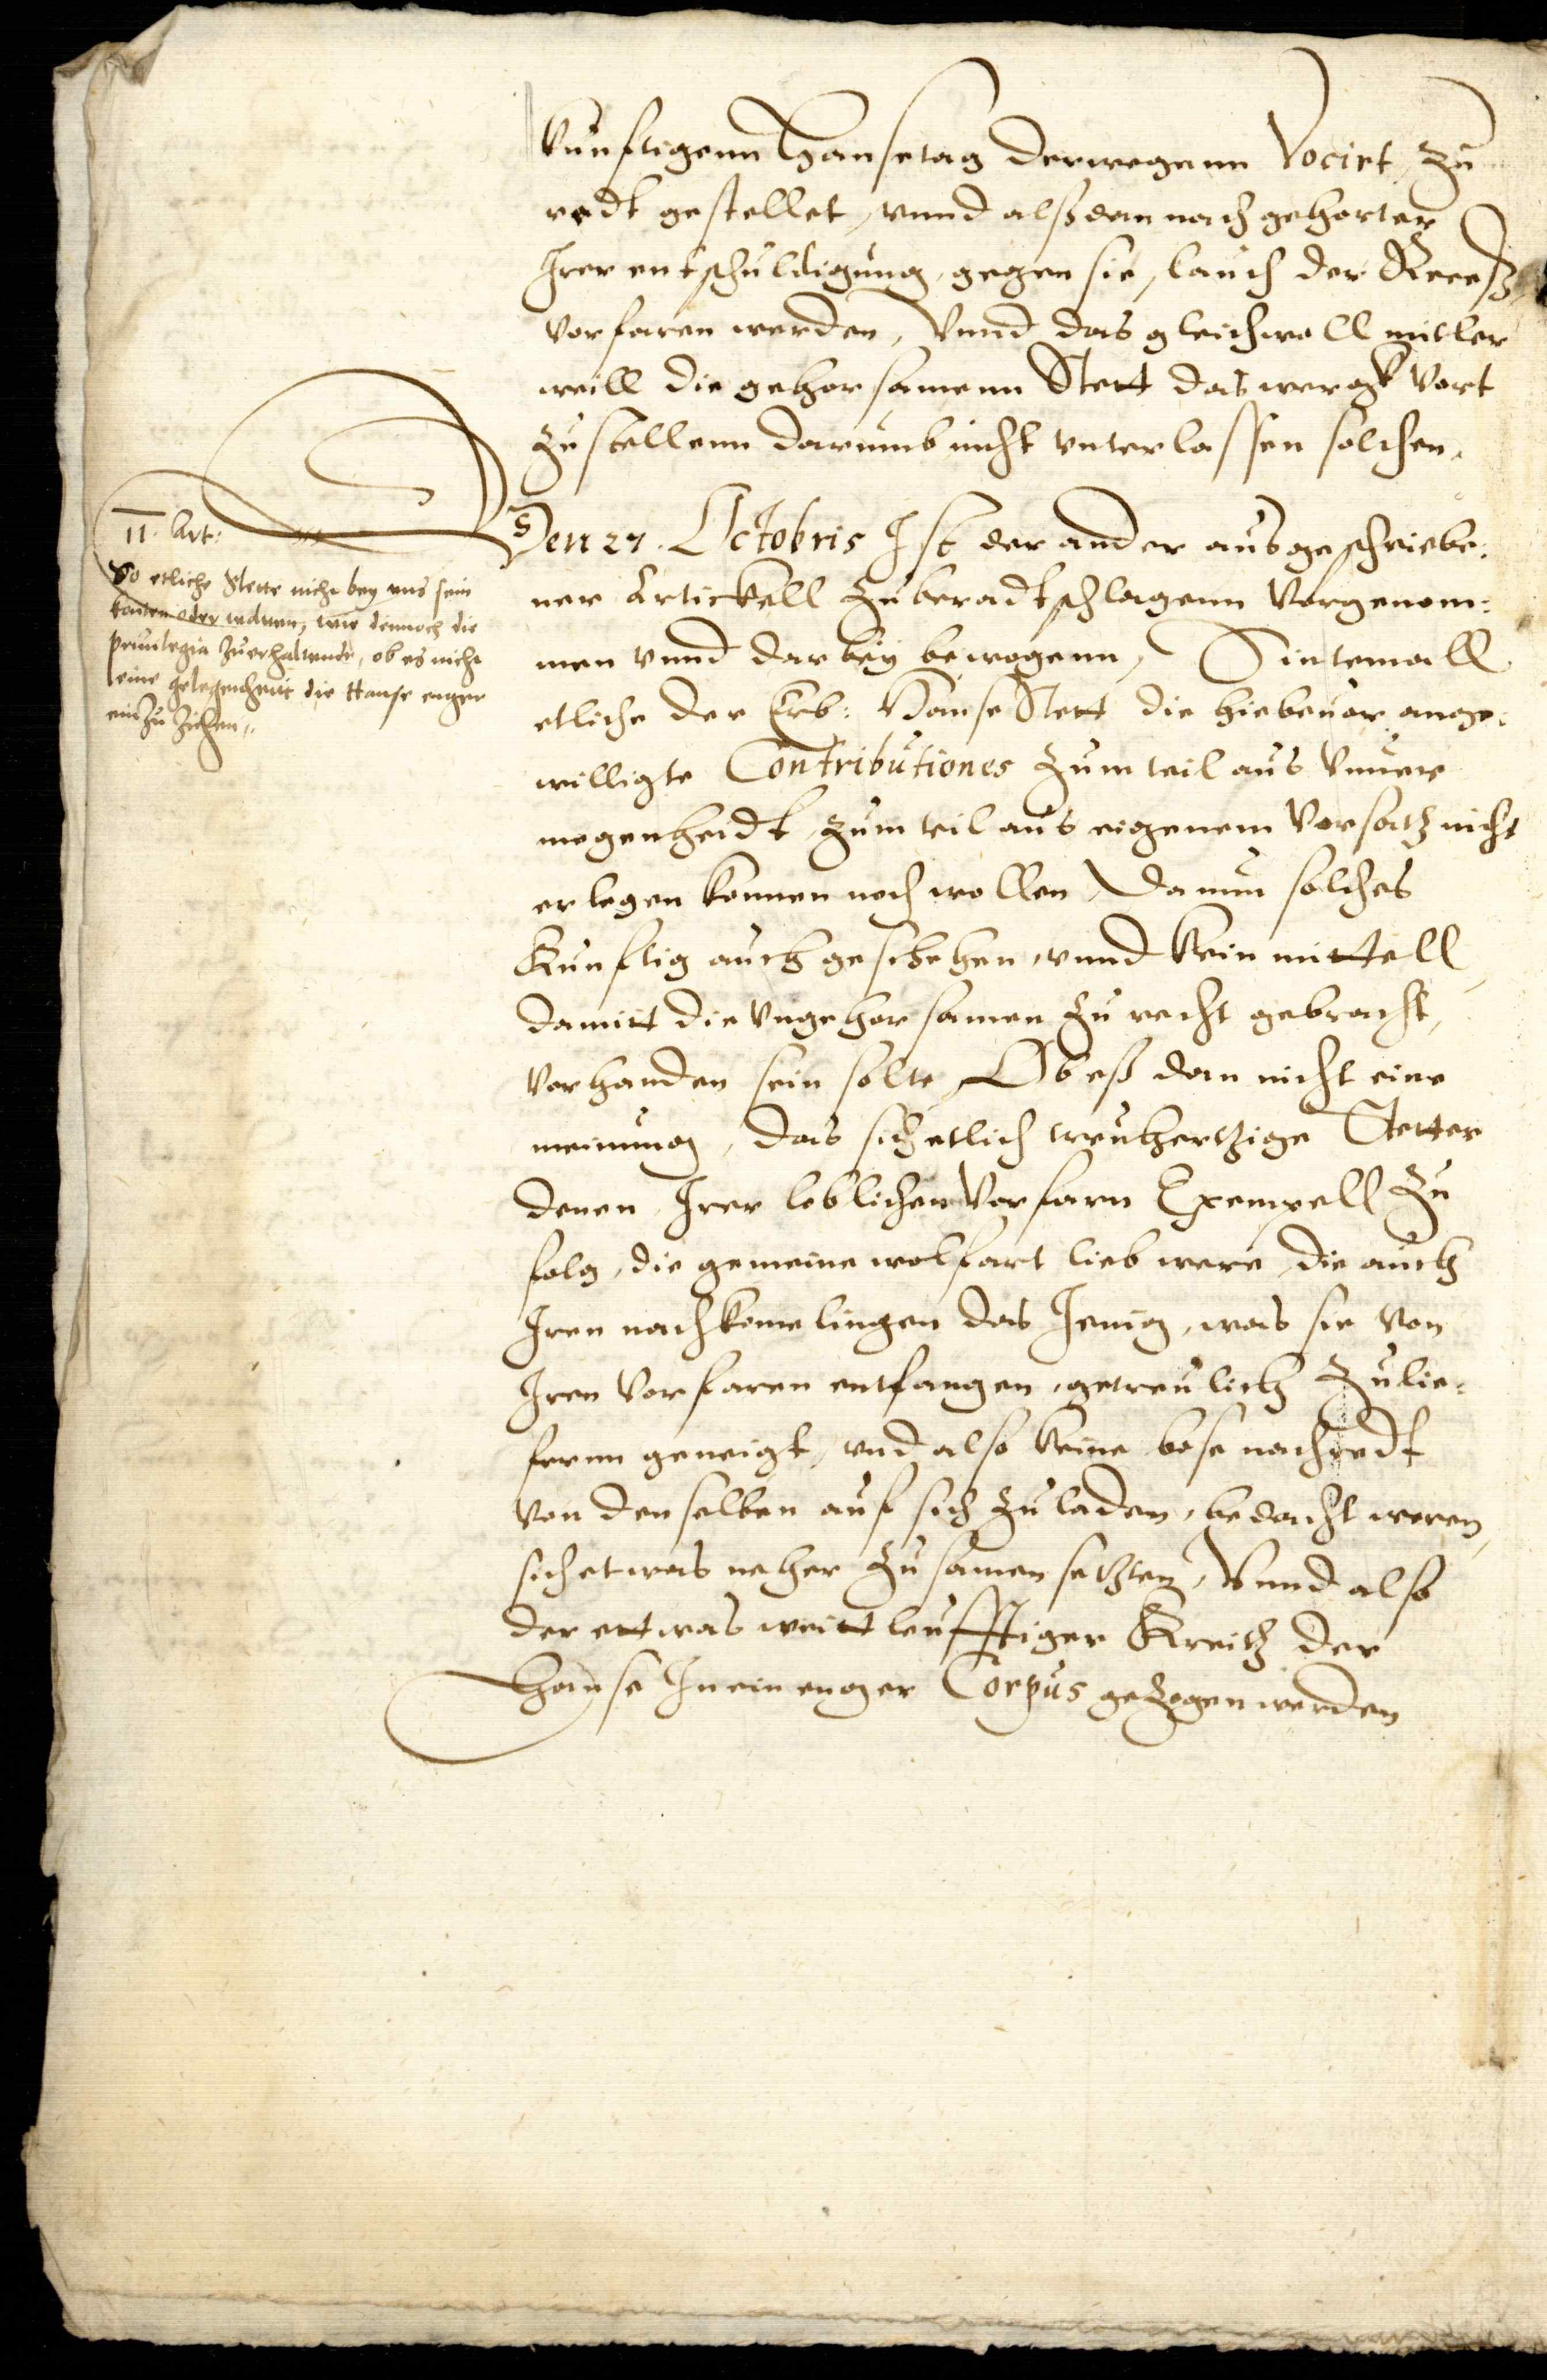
kunftigenn Hansetag derwegenn Vocirt zu
redt gestellet vnnd alßdan nach gehorter
Jrer entschuldigung gegen sie, lauth der Receß
vorfaren werden, Vnnd das gleichwoll mitler
weill die gehorsamenn Stett das wergk vort
zustellenn darumb nicht vnterlassen solthen.
II. Art.
So etliche Stette nicht bey vns sein
konten oder woltten, wir dennoch die
priuilegia zu erhaltende, ob es nicht
eine gelegenheitt die Hanse enger
einzuziehen..
Den 27.Octobris Jst der ander ausgeschriebe¬
ner Artickell zu beradtschlagenn vorgenom¬
men vnnd dar beij bewogenn, Sintemall
etliche der Erb: Hanse Stett die hiebeuor ange¬
willigte Contributiones zum teil aus Vnuer
mogenheidt, zum teil aus eigenem Vorsatz nicht
erlegen konnen noch wollen, da nun solches
kunftig auch geschehen, vnnd kein mittell,
damitt die vngehorsamen zu recht gebracht,
vorhanden sein solte, Ob eß dan nicht eine
meinung, das sich etlich treuhertzige Stetter
denen Jrer loblichen Vorfarn Exempell zu
folg, die gemeine wolfart lieb wern, die auch
Jren nachkomelingen das Jenig, was sie von
Jren Vorfaren entfangen, getreulich zu lie¬
fernn geneigt, vnd also keine bose nachredt
von den selben auf sich zu laden, bedacht weren,
sich etwas neher zu samen setzten, Vnnd also
der ettwas weittleufftiger Kreitz der
Hanse Jn ein enger Corpus gezogen werden
